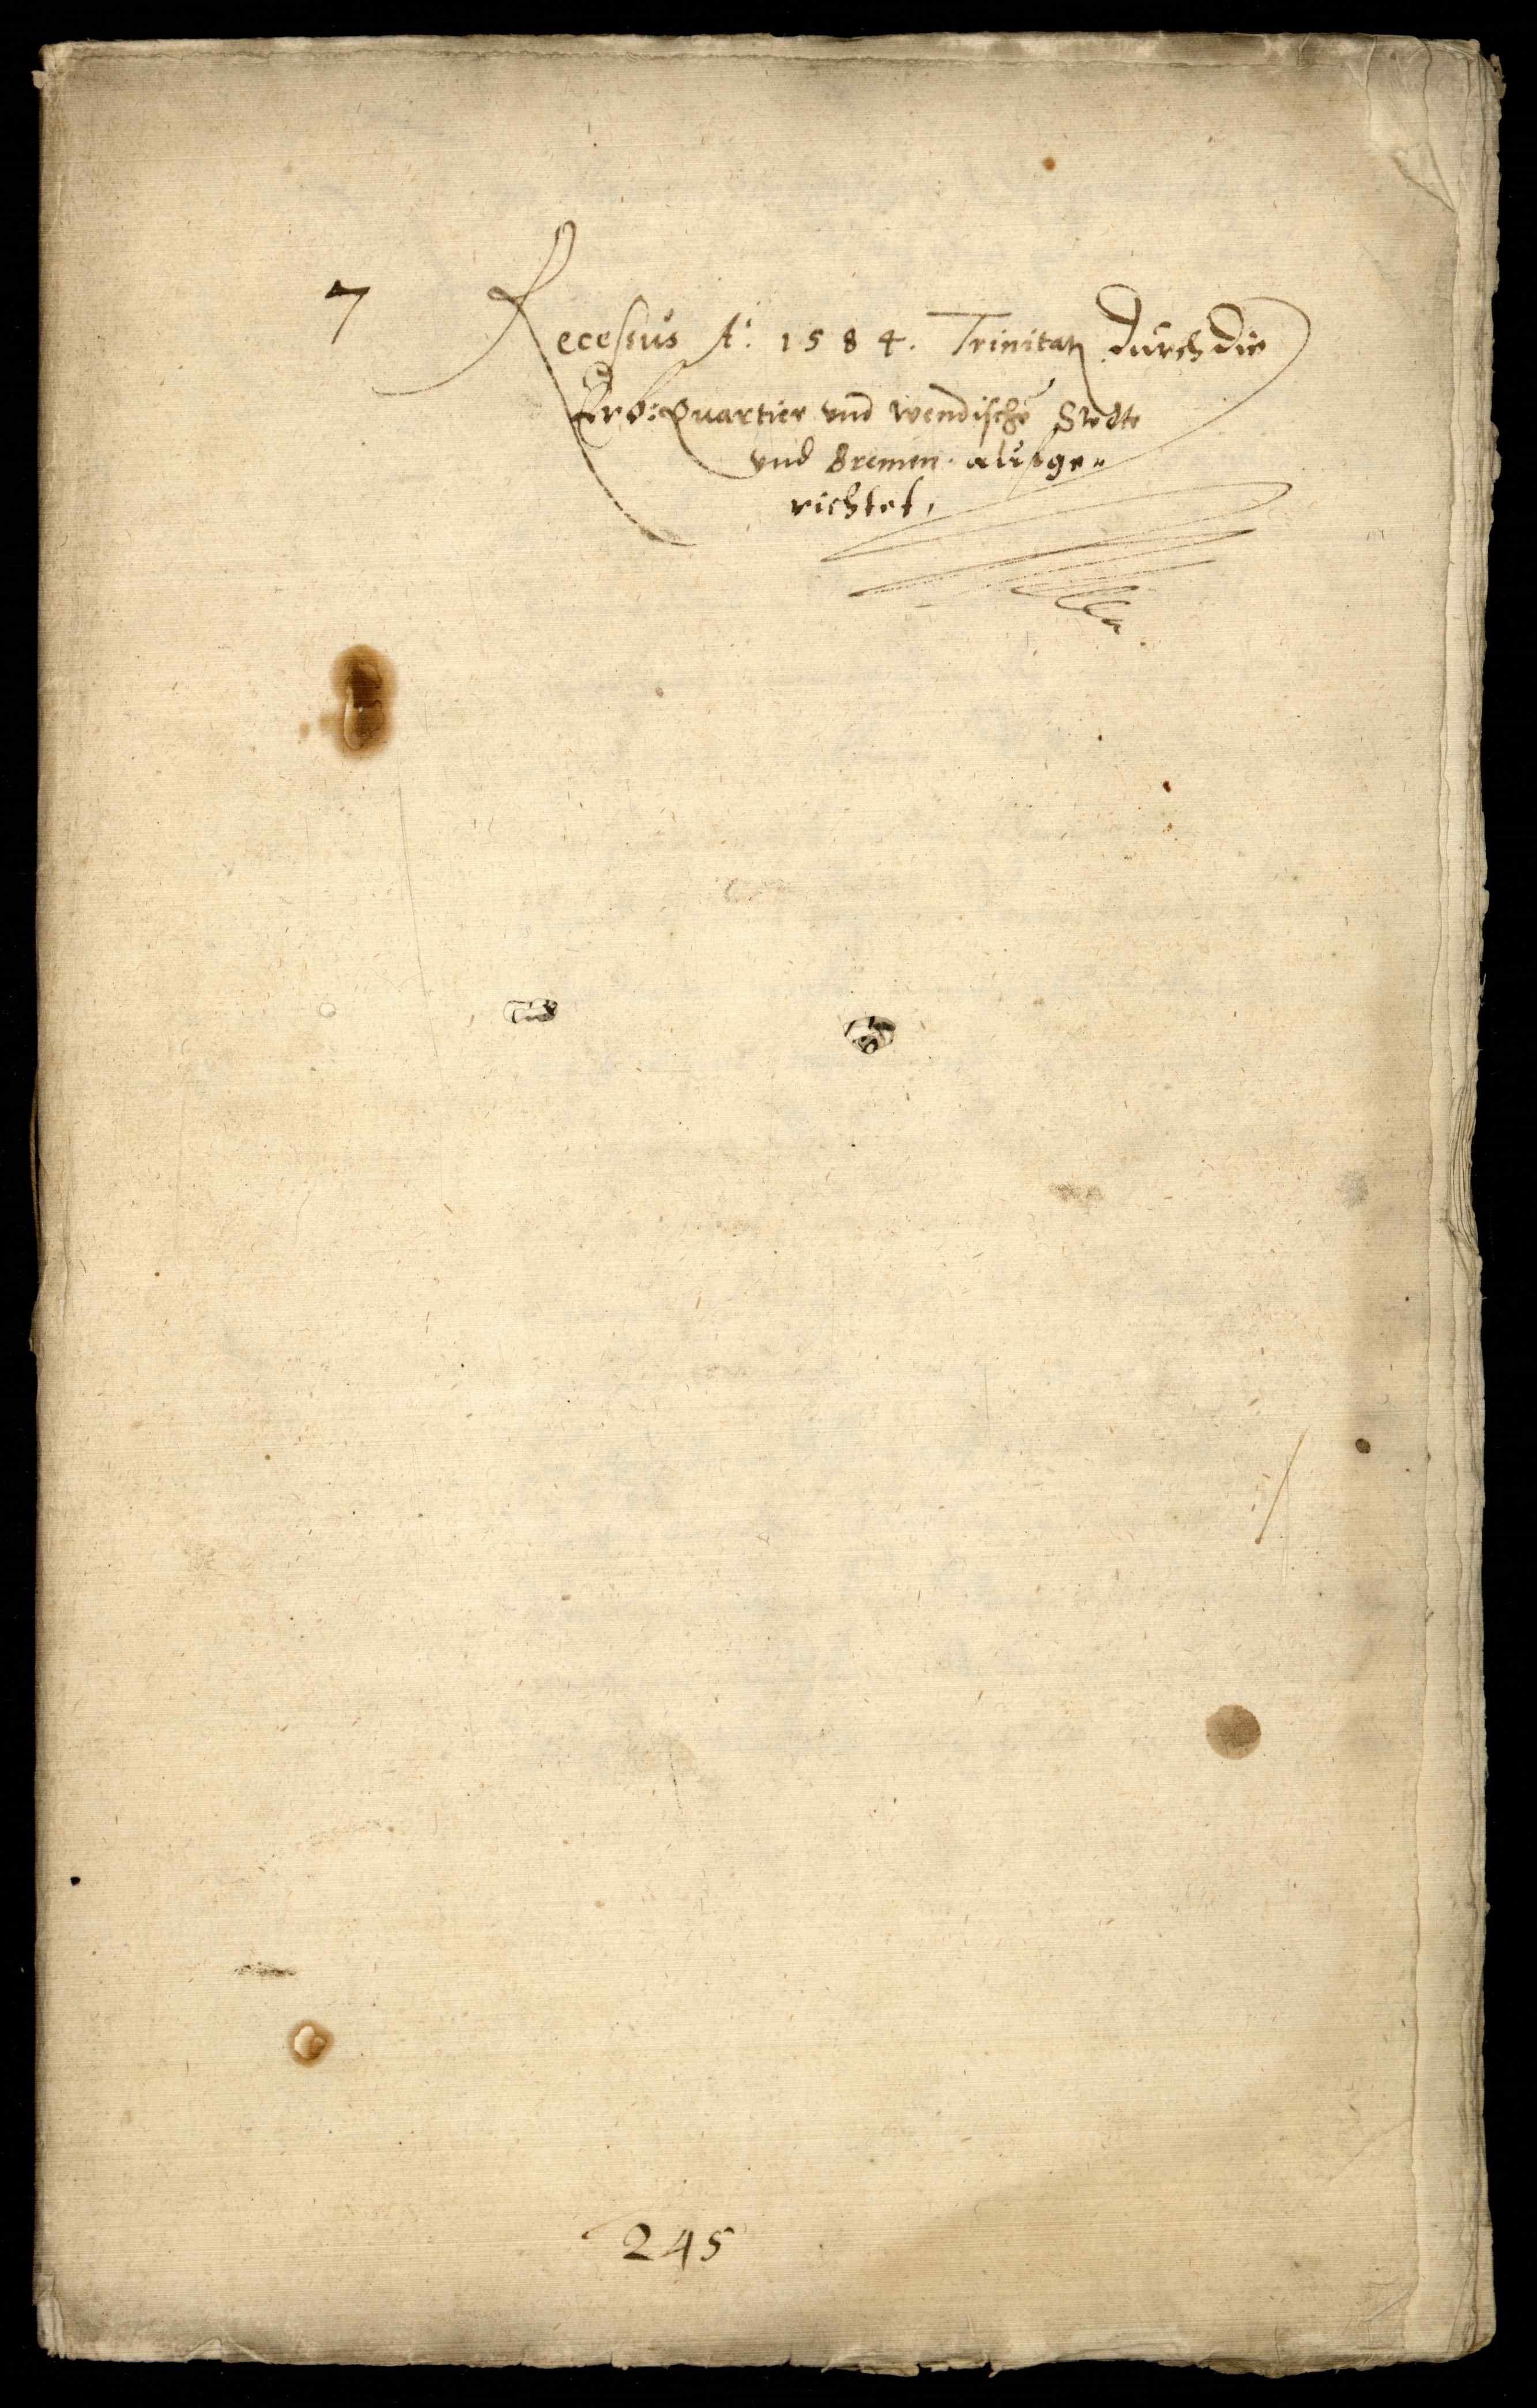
7
Recessus A: 1584 Trinitatis durch die
Erb: quartier vnd wendische Stedte
vnd Bremen aufge¬
richtet,
245
